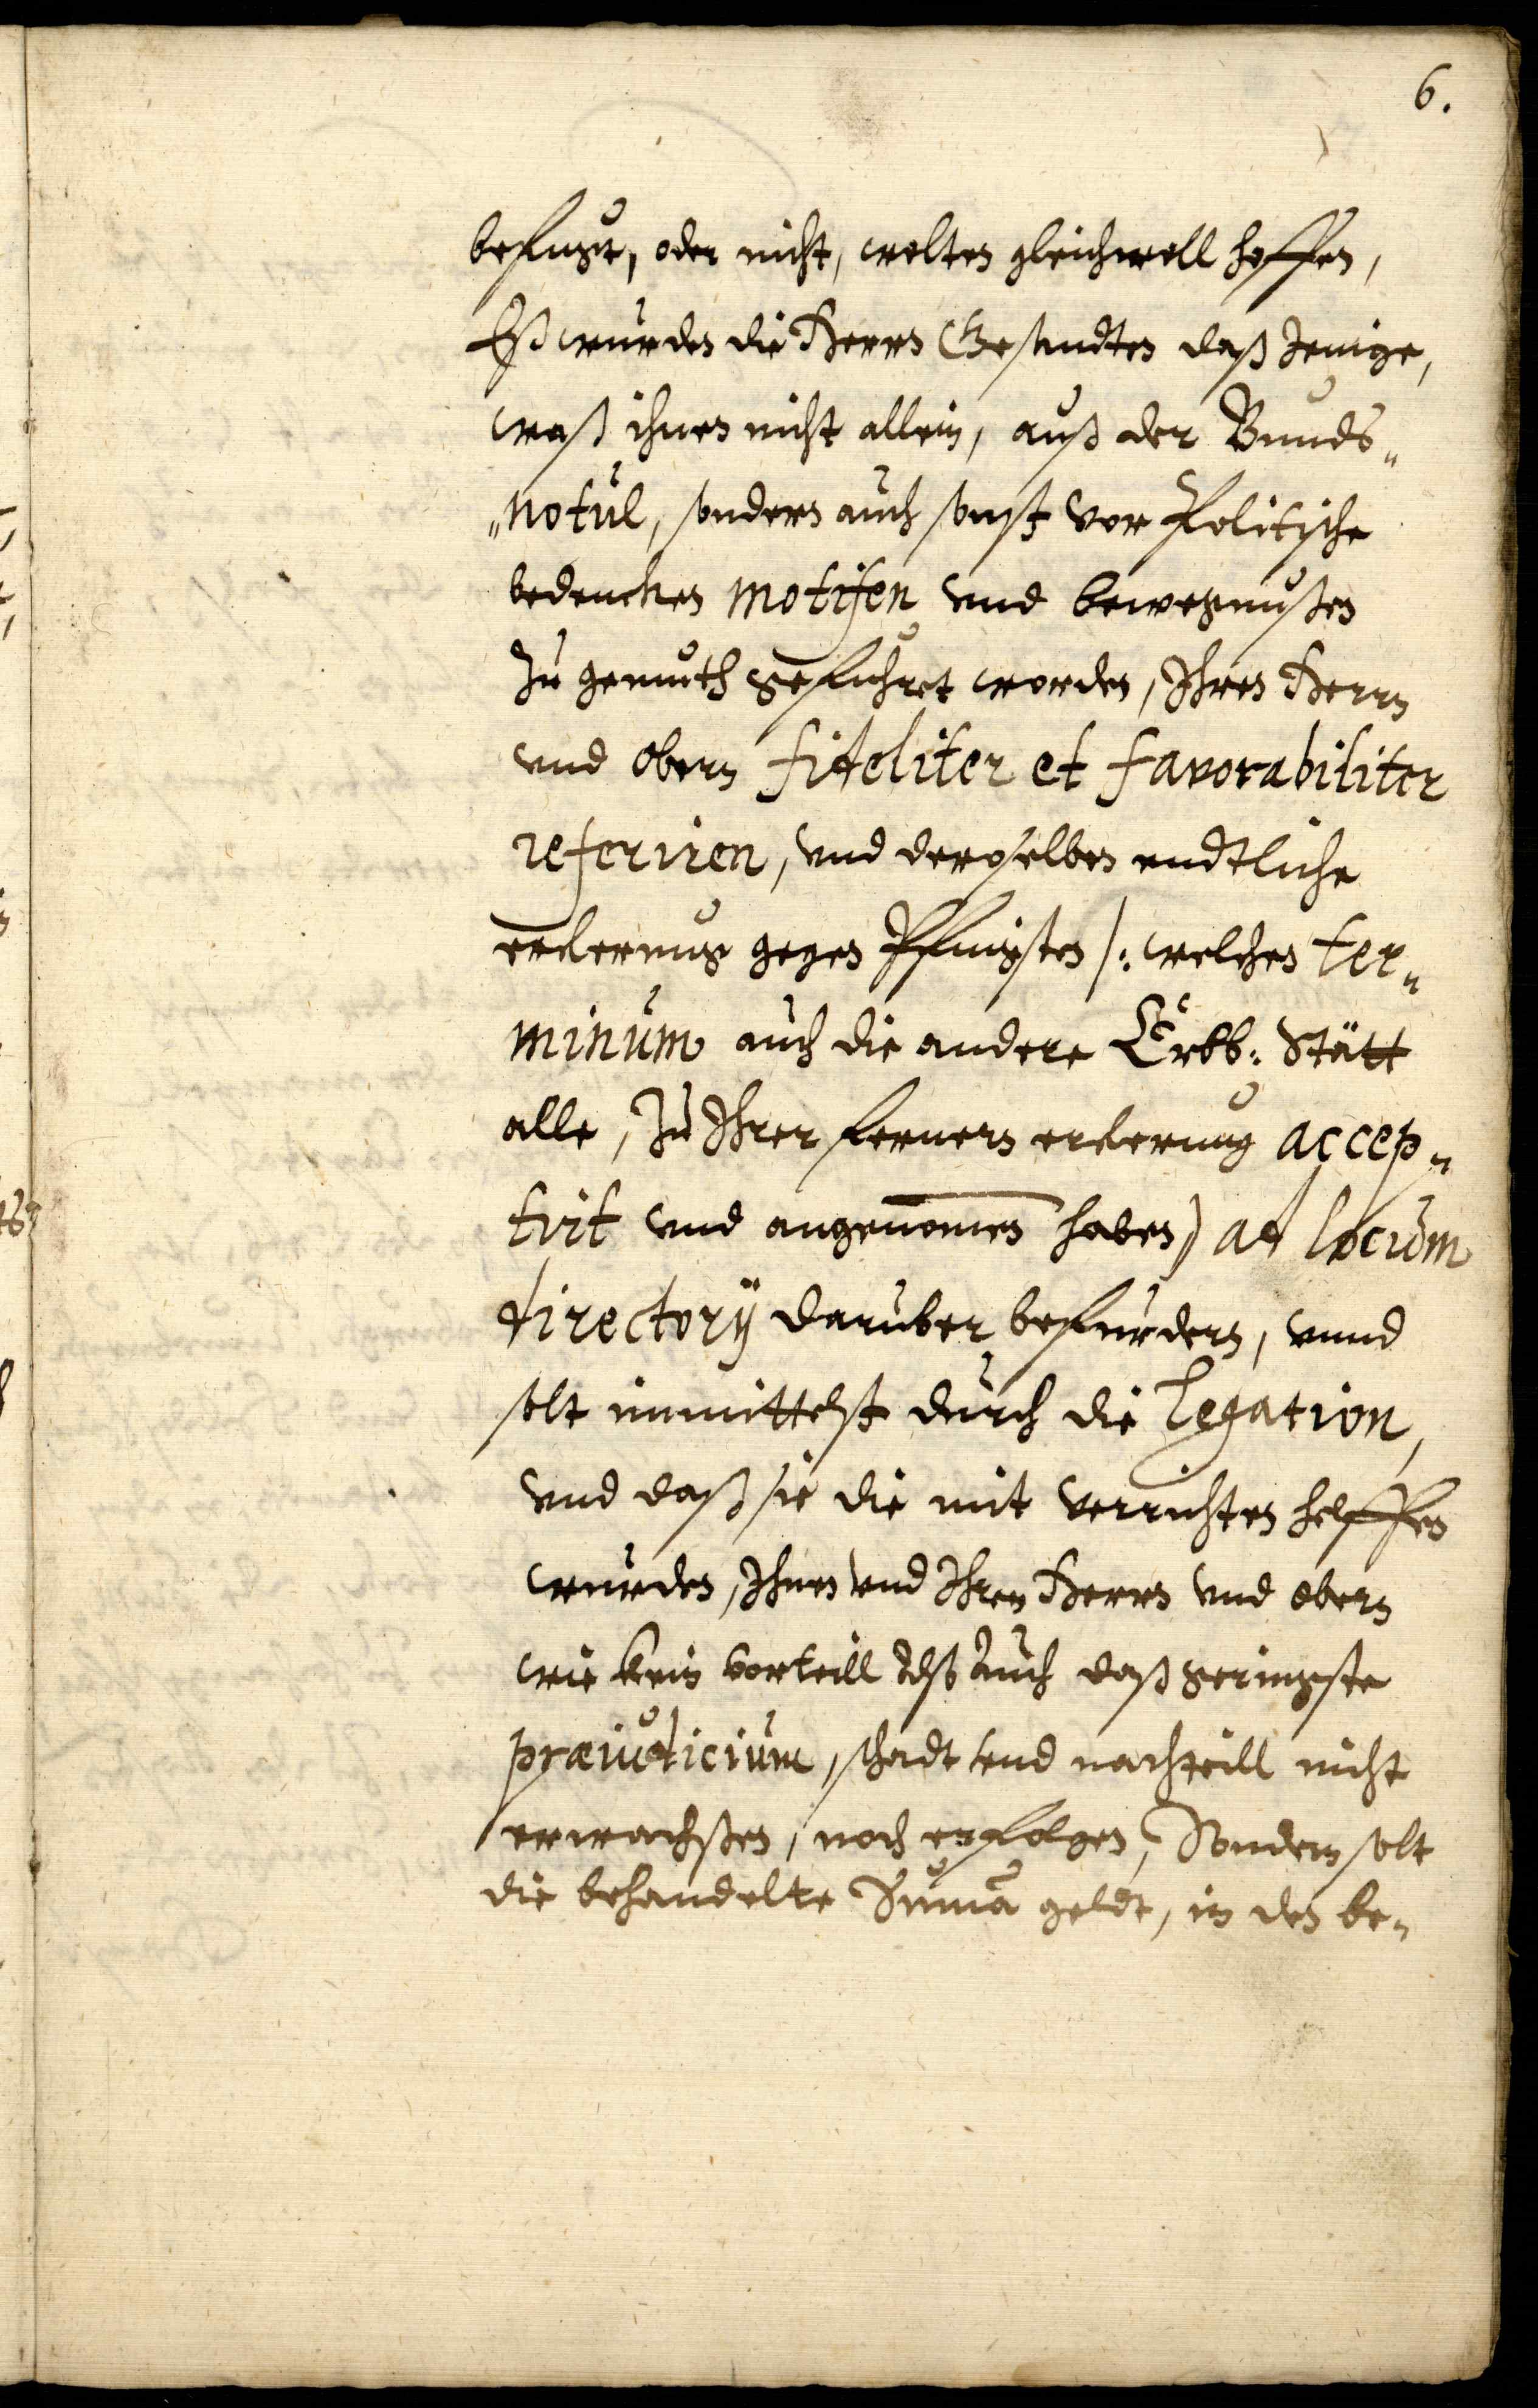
6.
befugt, oder nicht, wolten gleichwoll hoffen,
Eß wurden die Herrn Gesandten daß jenige,
waß ihnen nicht allein, auß der Bunds¬
notul, sondern auch sonst vor Politische
bedencken motifen vnd bewegnußen
zu gemuth gefuhret worden, Ihren Herrn
vnd Obern fideliter et favorabiliter
referiren, vnd deroselben endtliche
erclerung gegen Pfingsten /: welchen ter¬
minum auch die andere Erbb: Stätt
alle, zu Ihrer fernern erclerung accep¬
tirt vnd angenommen haben, / ad locum
directorij daruber befurdern, vnnd
solt inmmittelst durch die Legation,
vnd daß sie die mit verrichten helffen
wurden, Ihnen vnd Ihren Herrn vnd obern
wie kein vorteill Alß Auch daß geringste
praeiudicium, schadt vnd nachteill nicht
erwachsen, noch erfolgen, Sondern solt
die behandelte Suma geldt, in den be¬
